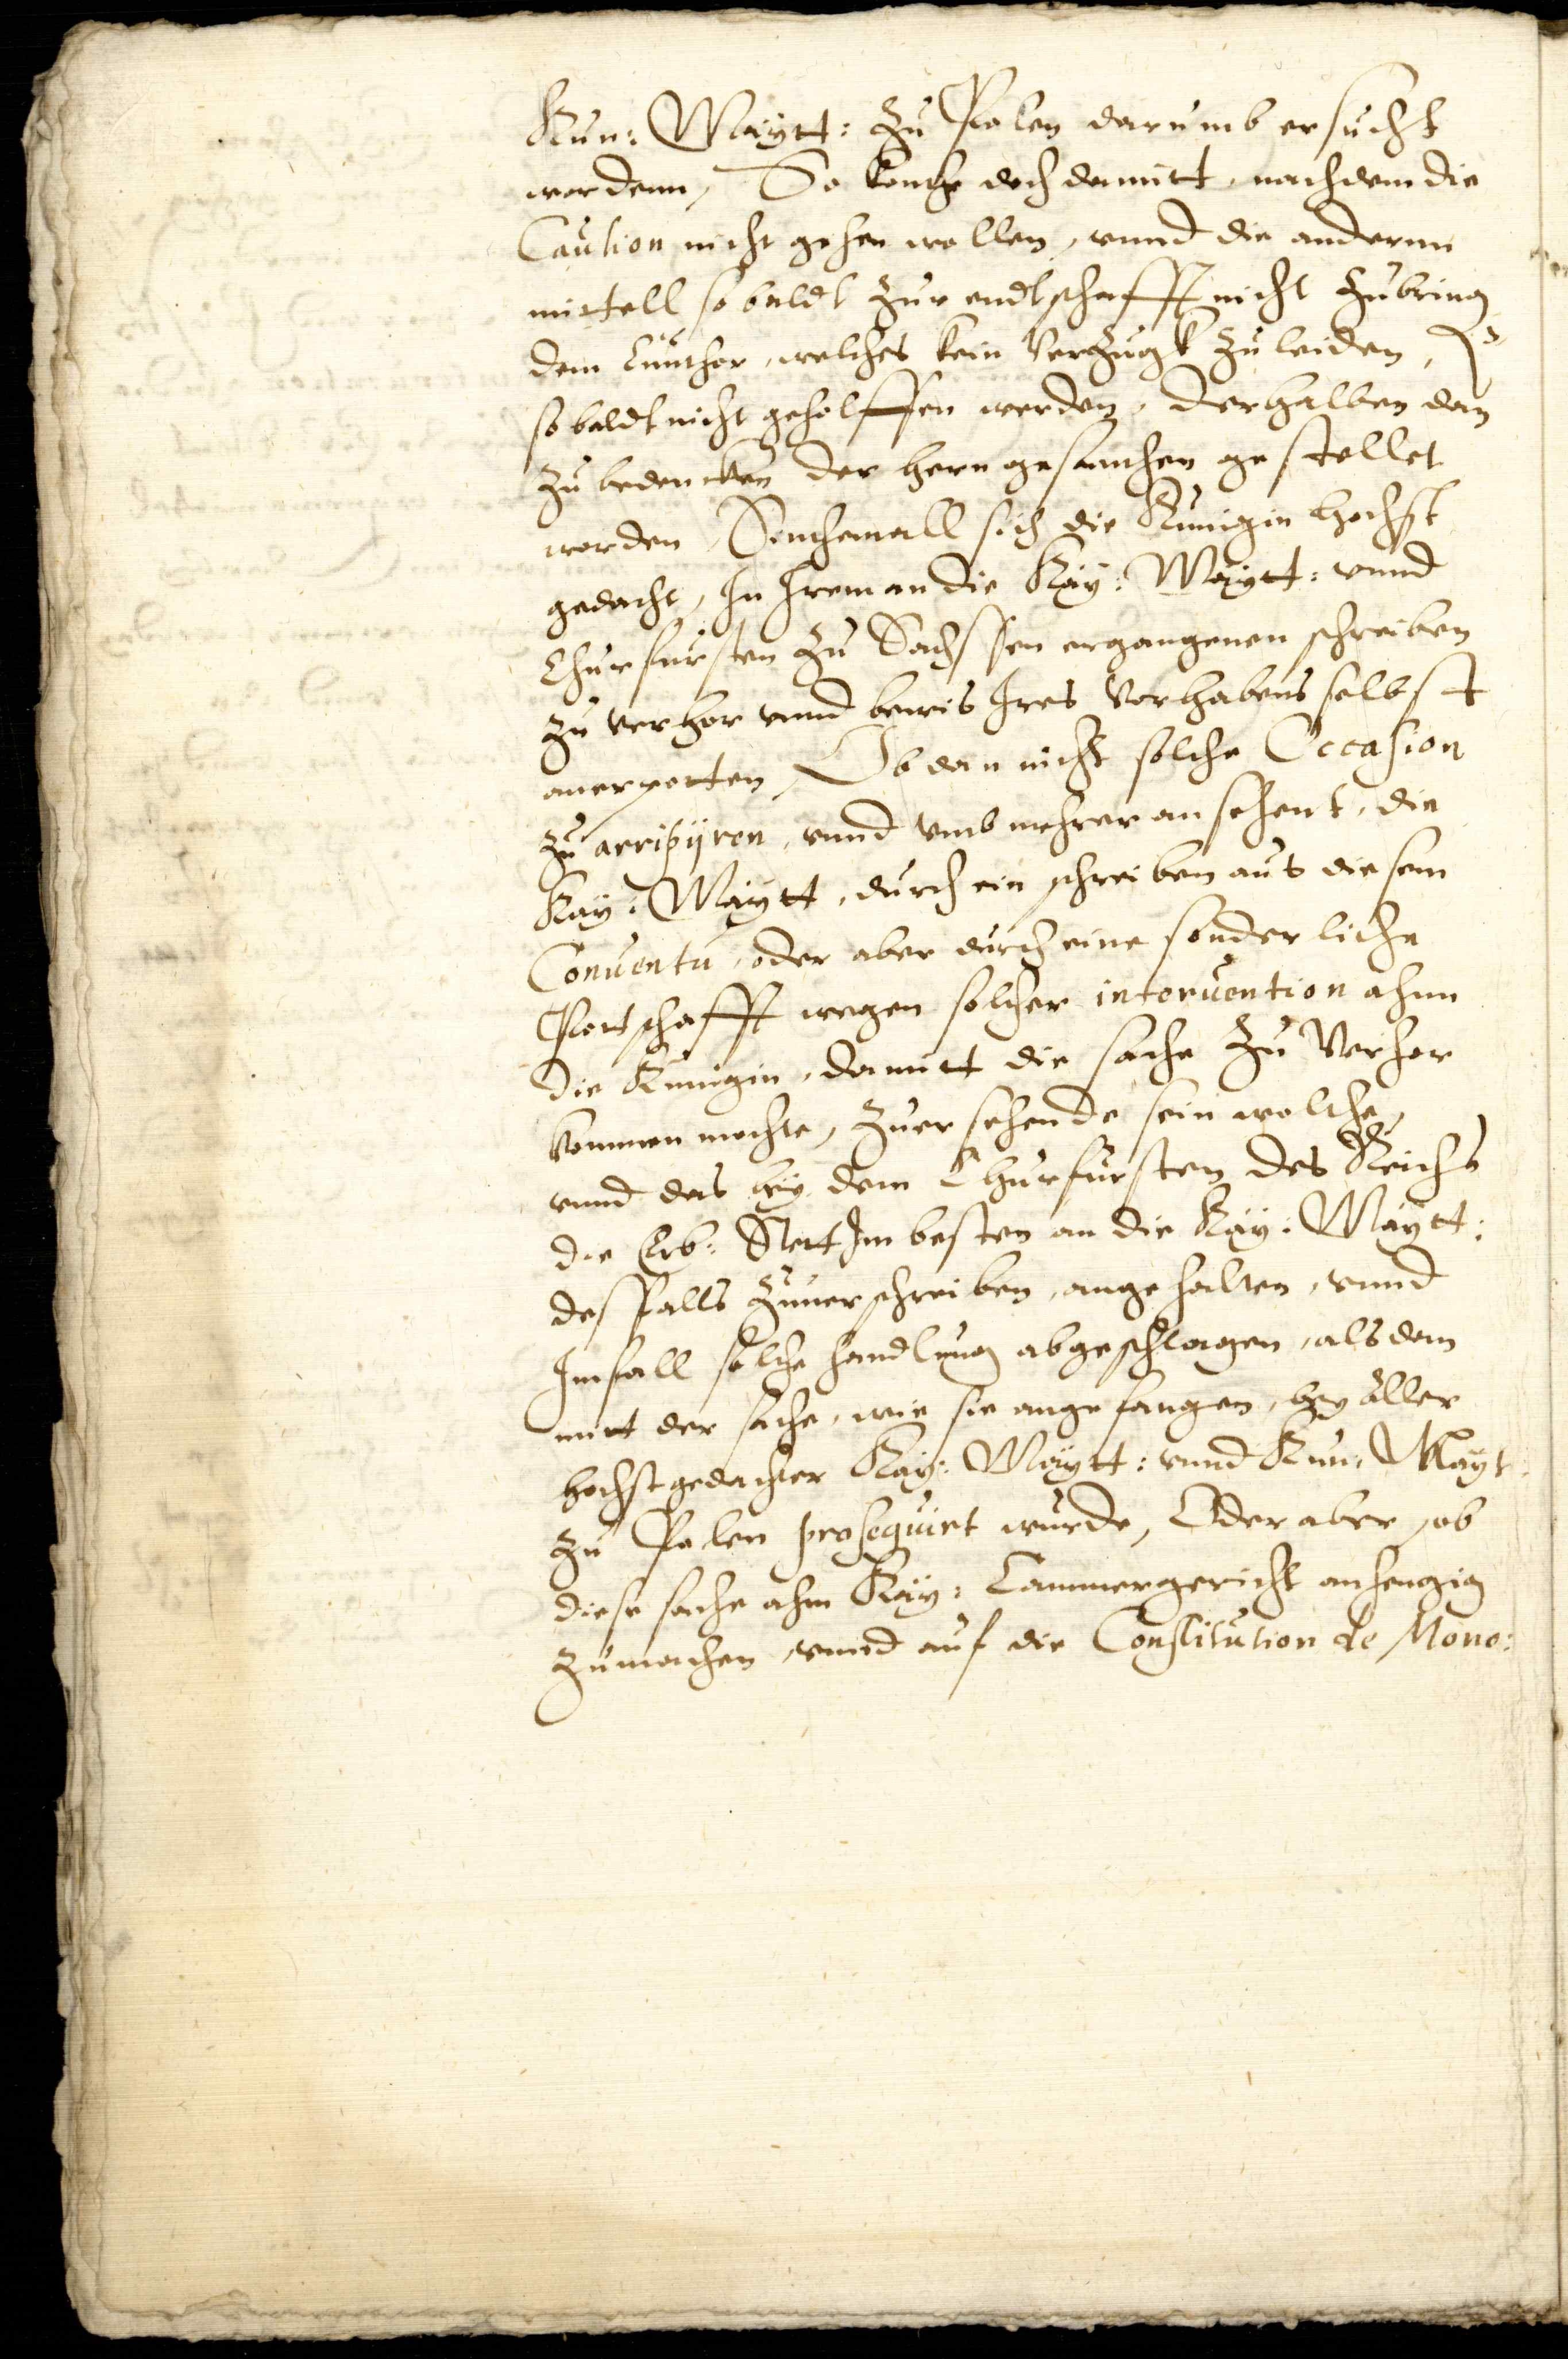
Kun: Maijtt: zu Polen darumb ersucht
wordenn, So konthe doch damitt, nachdem die
Caution nicht gehen wollen, vnnd die andernn
mittell so baldt zur endtschafft nicht zubringen
dem Cunthor, welches kein verzugk zu leiden,
so baldt nicht geholffen werden, derhalben dan
zu bedencken der hern gesanthen gestellet
worden, Sinthemall sich die Kunigin hochst
gedacht, Jn Jrem an die Kaij: Maijtt. vnnd
Churfursten zu Sachssen ergangenen schreiben
zu verhor vnnd bewis Jres vorhabens selbst
anerpotten, Ob dan nicht solche Occasion
zu arripijren, vnnd vmb mehrer ansehent, die
Kaij: Maijtt, durch ein schreiben aus diesem
Conuentu, oder aber durch eine sonderliche
Pottschafft wegen solcher interuention ahnn
die Kunigin, damitt die sache zu Verhor
kommen mochte, zuersehende sein wolthe,
vnnd das beij dem Churfursten des Reichs
die Erb: Stett Jm besten an die Kaij: Maijtt:
desfalls zuuorschreiben, angehalten, vnnd
Jmfall solche handlung abgeschlagen, alsdan
mitt der sache, wie sie angefangen, bey aller
hochstgedachter Kaij: Maijtt: vnnd Kun: Maijt:
zu Polen prosequirt wurde, Oder aber, ob
diese sache ahm Kaij: Cammergericht anhengig
zumachen, vnnd auf die Constitution de Mono¬
